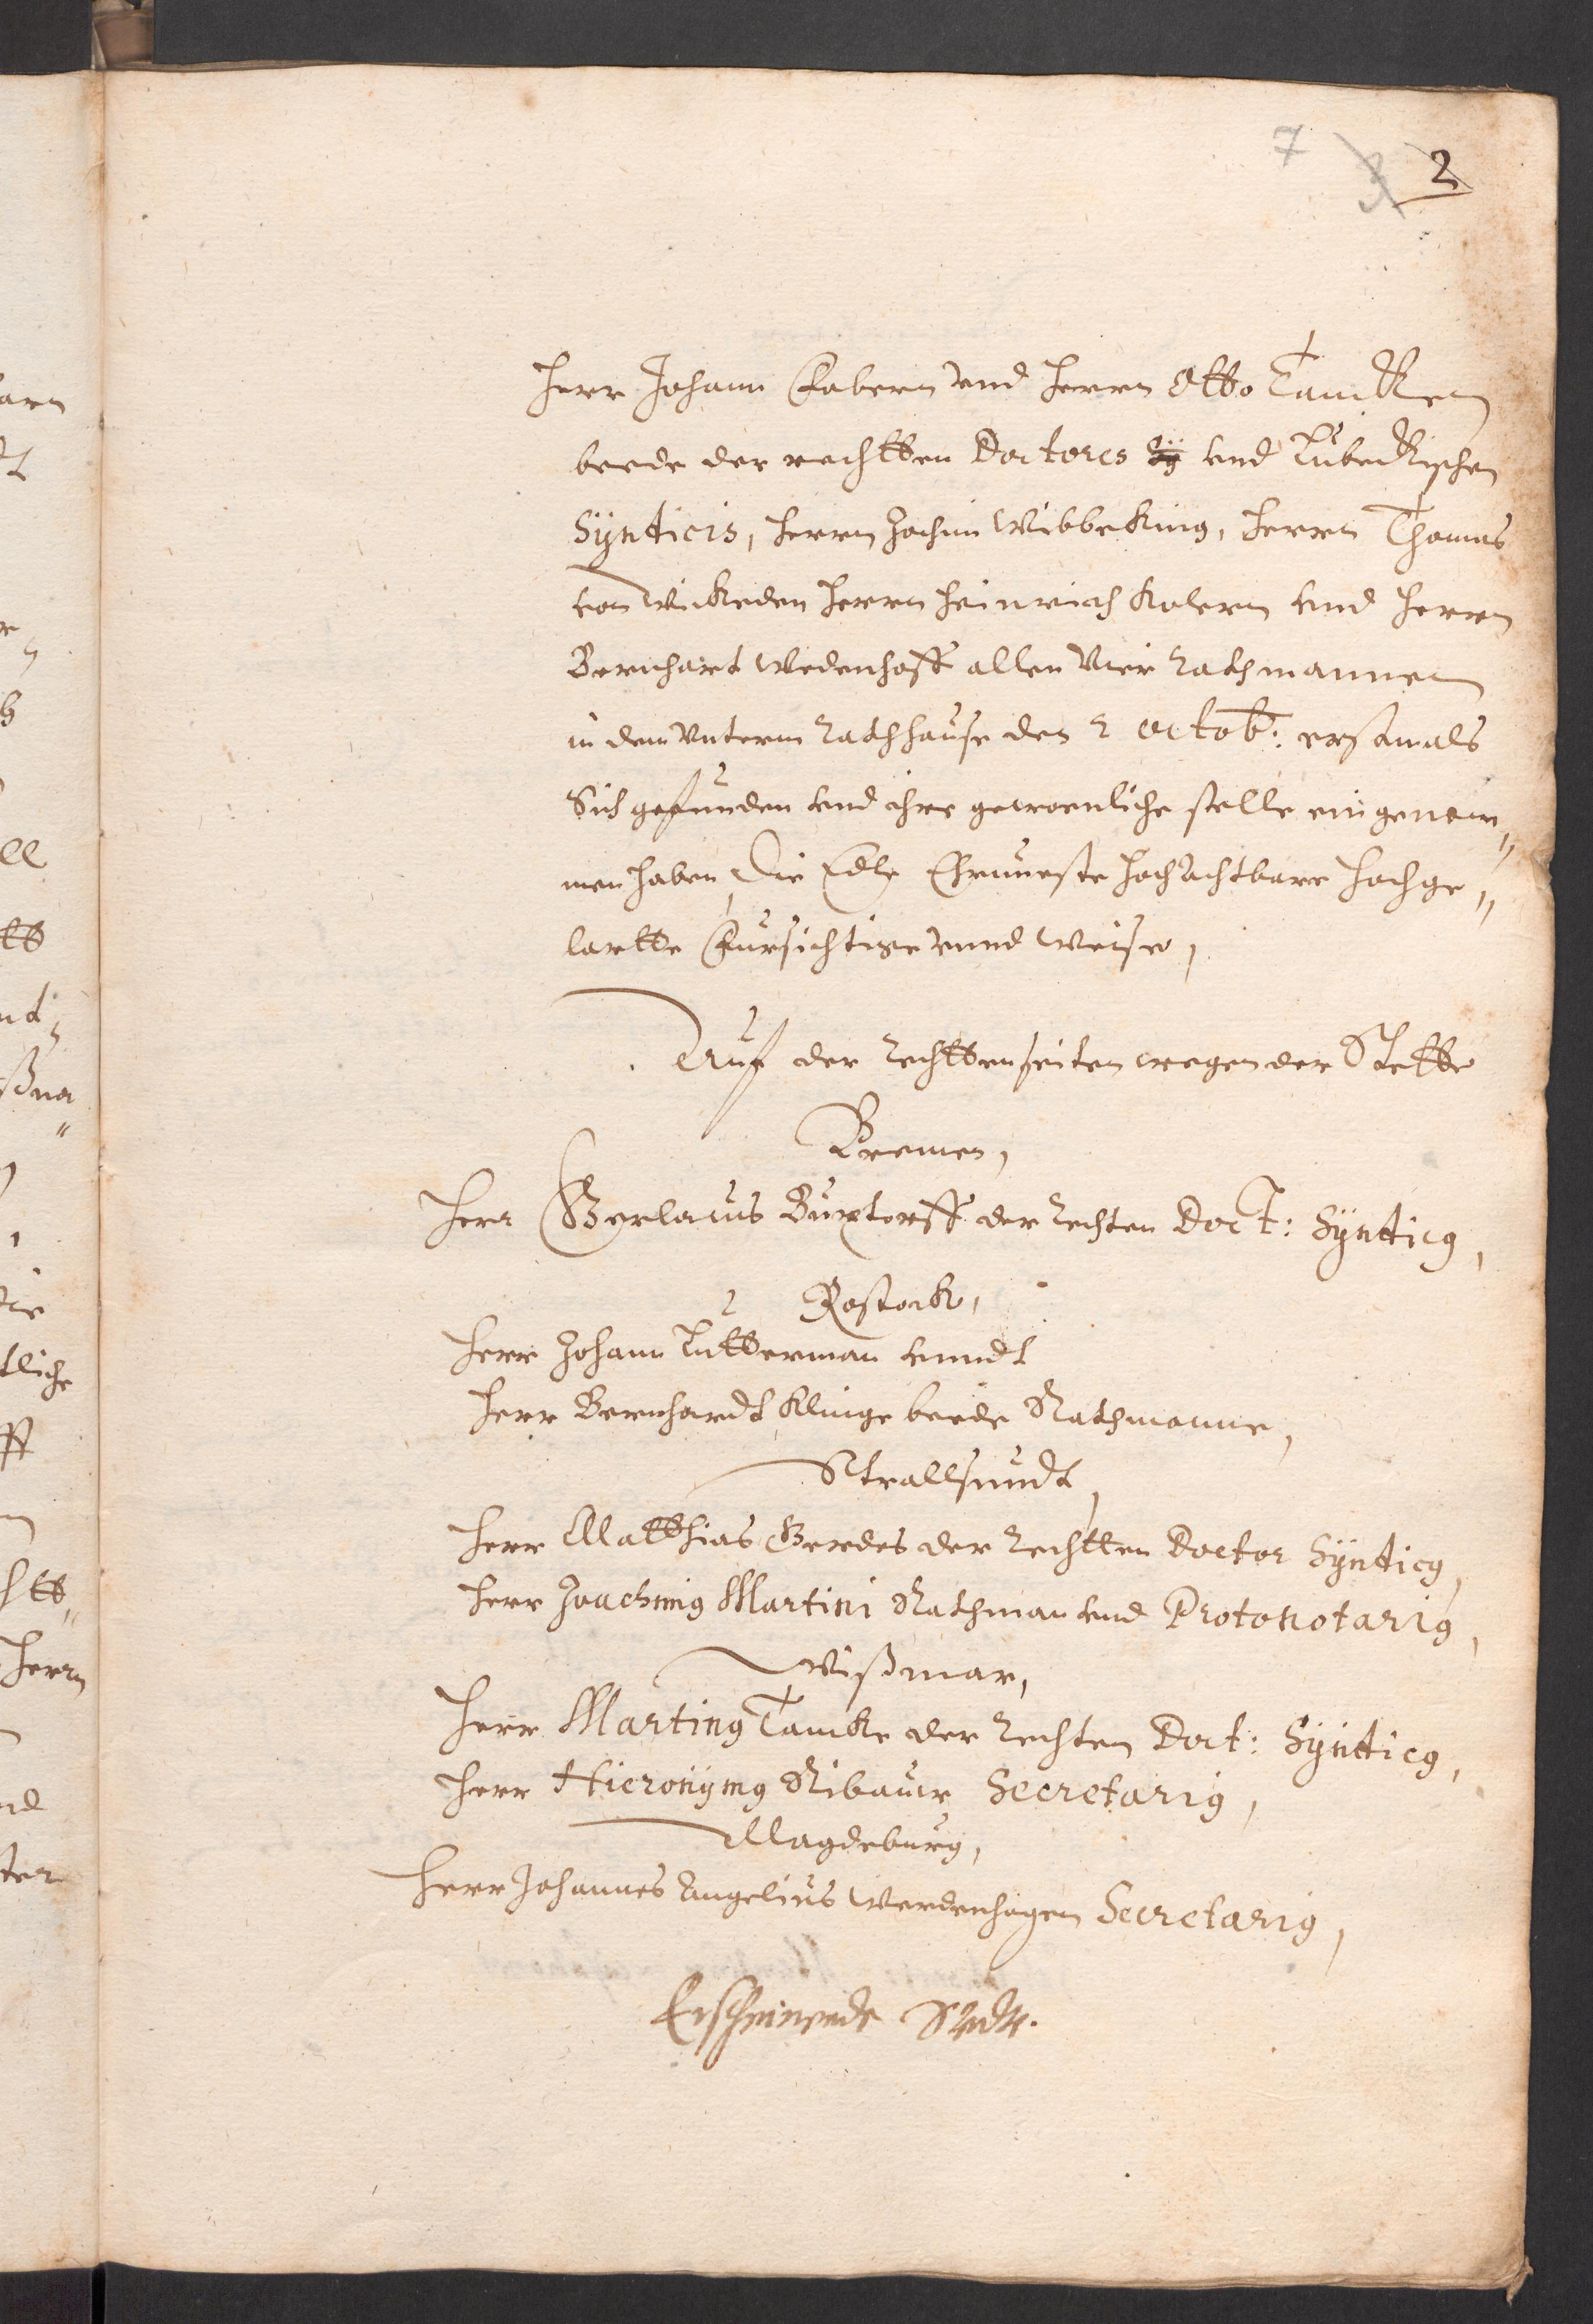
2
herr Johann Fabern vnd herrn Otto Tancken
beede der rechtten Doctores Sij vnd Lubeckischen
Sijndicis, herrn Jochim Wibbeking, herrn Thomas
von Wickeden herrn heinrich Kolern vnd herrn
Bernhart Wedenhoff allen vier rathmannen
in dem vnterm rathhause den 2 octobris erstmals
Sich gefunden vnd ihre gewoenliche stelle ein genom¬
men haben, Die Edle Ehrnueste hochachtbare hochge¬
lartte Fursichtige vnnd weise,
Auf der rechtten seiten wegen der Stette
Bremen,
herr Gerlacus Buxtorff der rechten Doctor Sijndicus,
Rostock,
herr Johann Lutterman vnndt
herr Bernhardt Klinge beede Rathmanne,
Strallsundt,
herr Matthias Gerdes der rechtten Doctor Sijndicus,
herr Joachimus Martini Rathman vnd Protonotarius,
Wißmar,
herr Martinus Tancke der rechten Doctor Sijndicus,
herr Hieronijmus Ribaur Secretarius,
Magdeburg,
herr Johannes Angelius Werdenhagen Secretarius,
Erscheinende Stedte.
